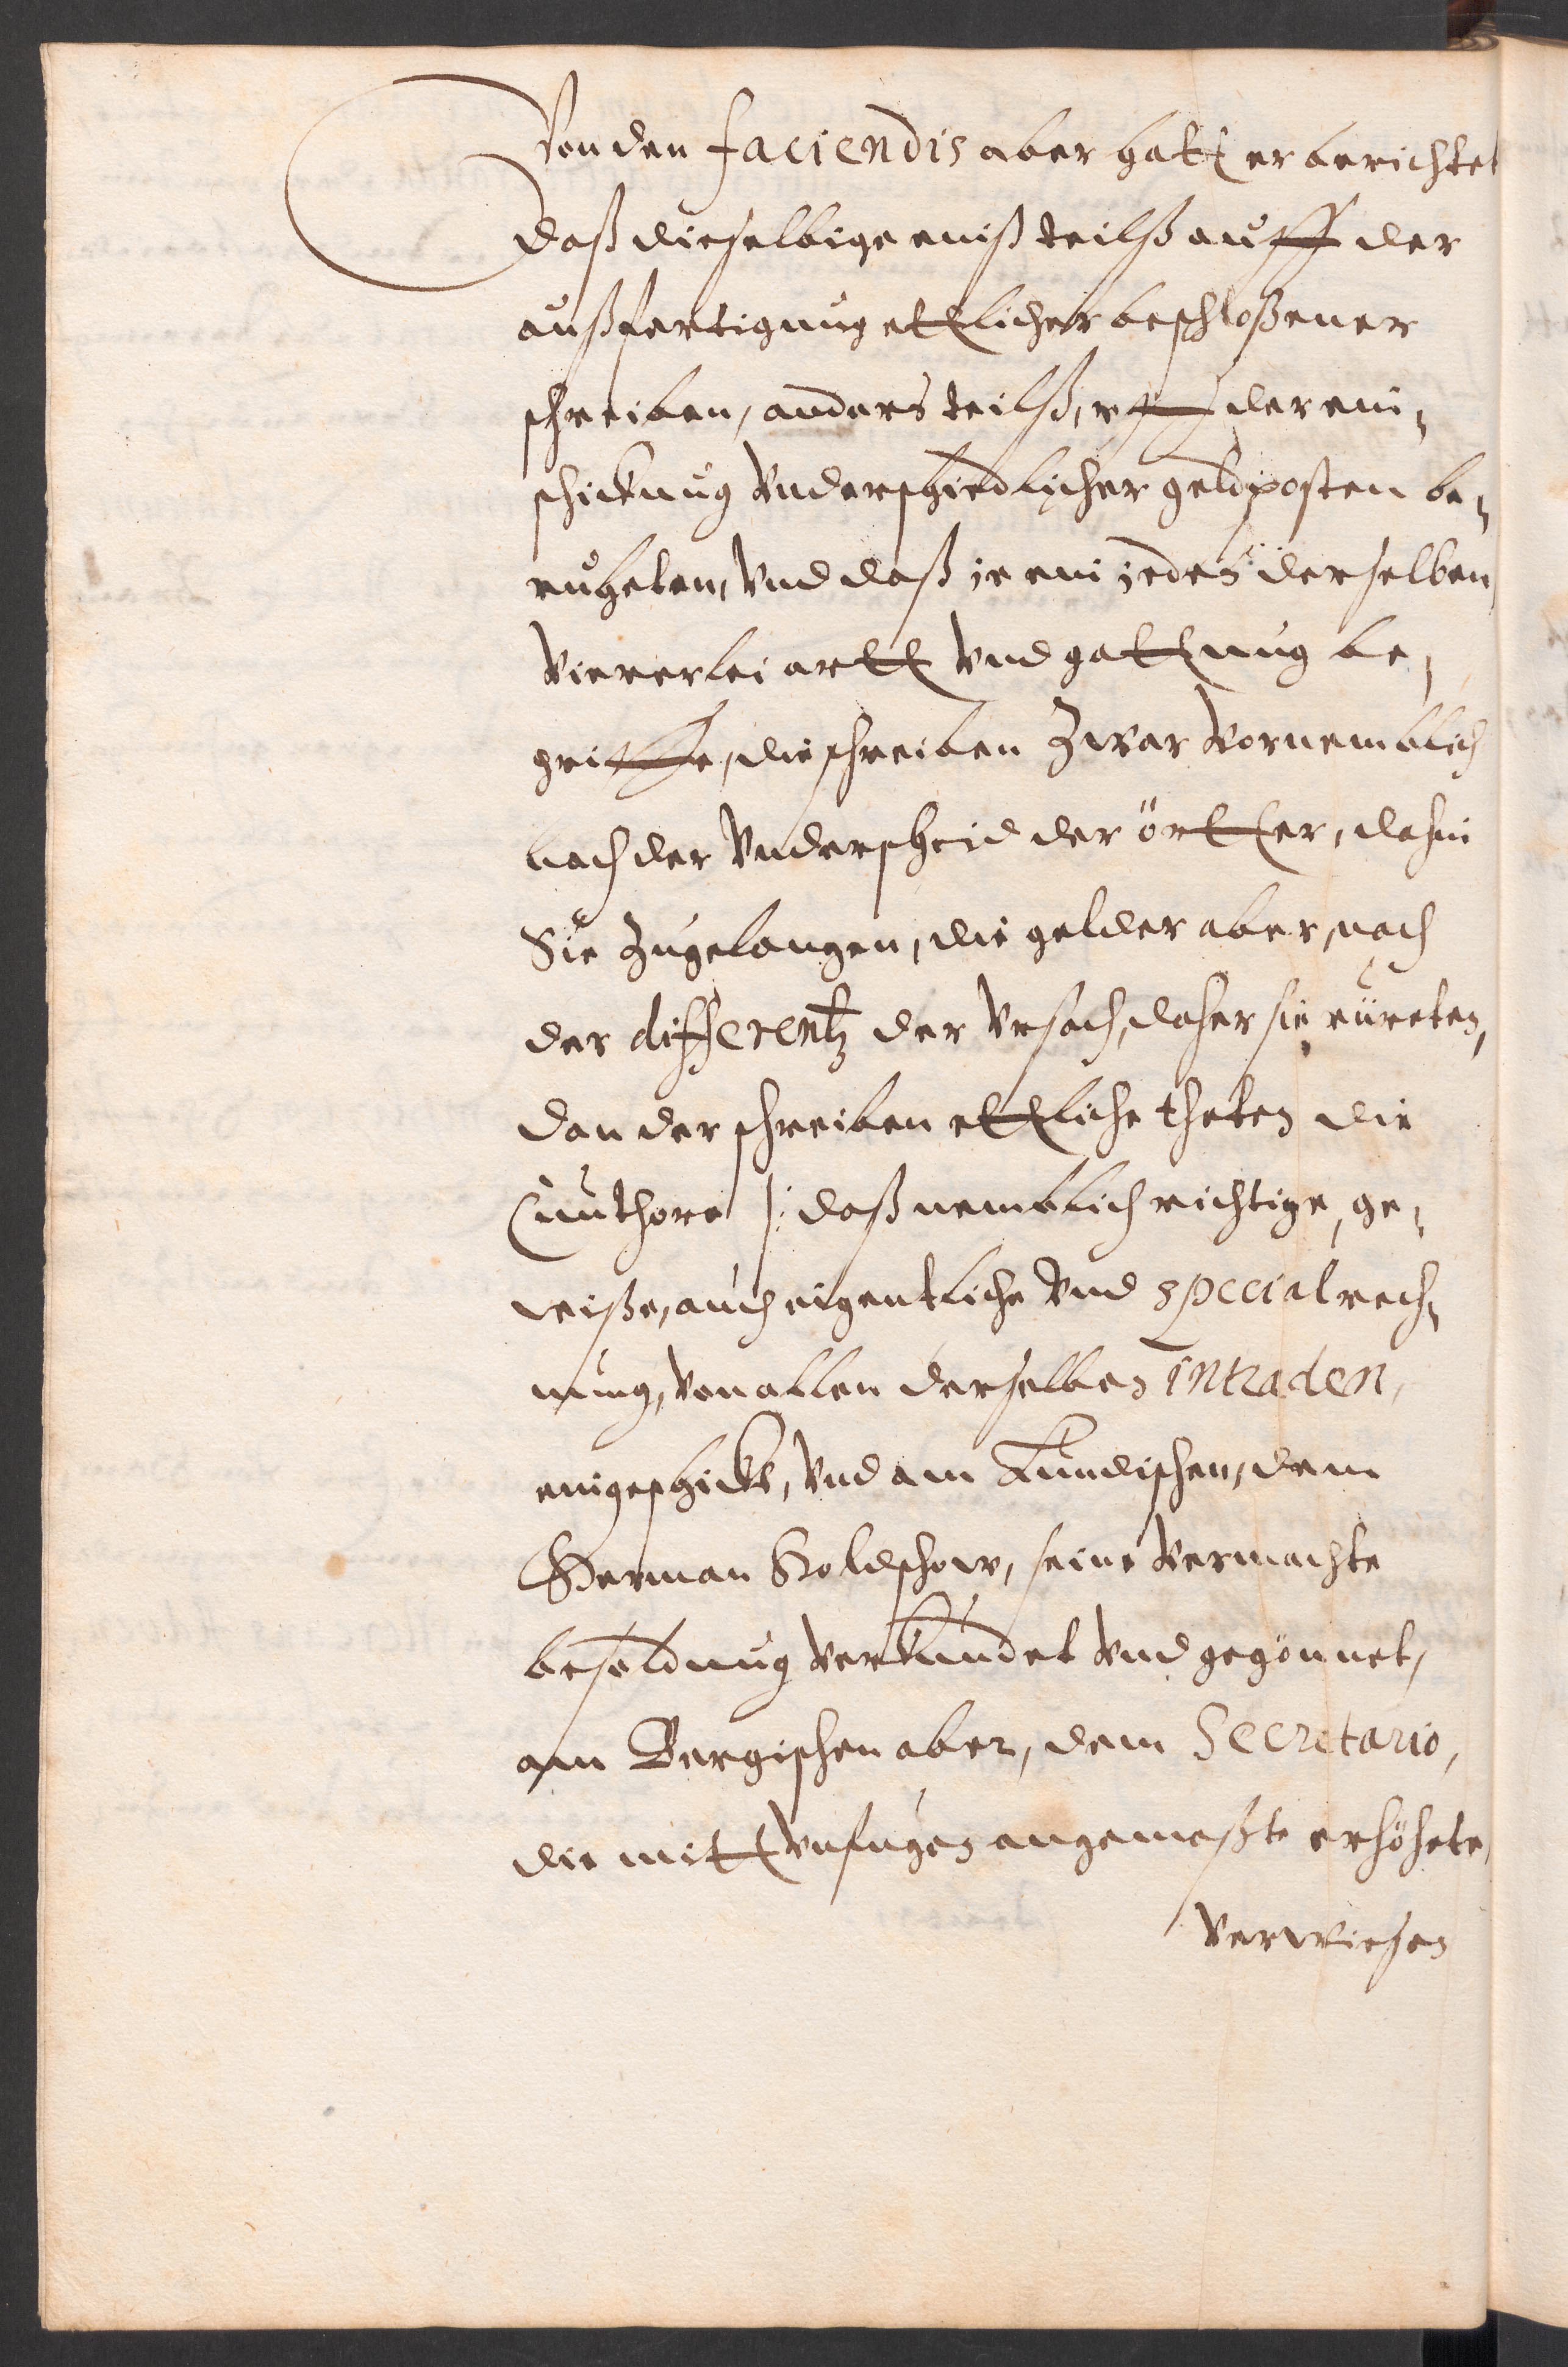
Von den faciendis aber hatt er berichtet
Daß dieselbigen einßteilß auff der
außfertigung ettlicher beschloßener
schreiben, anders teilß, vff der ein¬
schickung vnderschiedlicher geldposten be¬
ruheten, vnd daß ie ein iedes derselben,
viererlei artt vnd gattung be¬
griffe, die schreiben zwar vornemblich
nach der vnderschied der örtter, dahin
Sie zugelangen, die gelder aber, nach
der differentz der vrsach, daher sie rüreten,
dan der schreiben ettliche thaten die
Cunthore /: daß nemblich richtige, ge¬
wiße, auch eigentliche vnd special rech¬
nung, von allen derselben intraden,
eingeschickt, vnd am Lundischen, dem
Herman Holdschow, seine vermachte
besoldung verkundet vnd gegönnet,
am Bergischen aber, dem Secretario,
die mitt vnfugen angemaßte erhöhete
verwiesen
